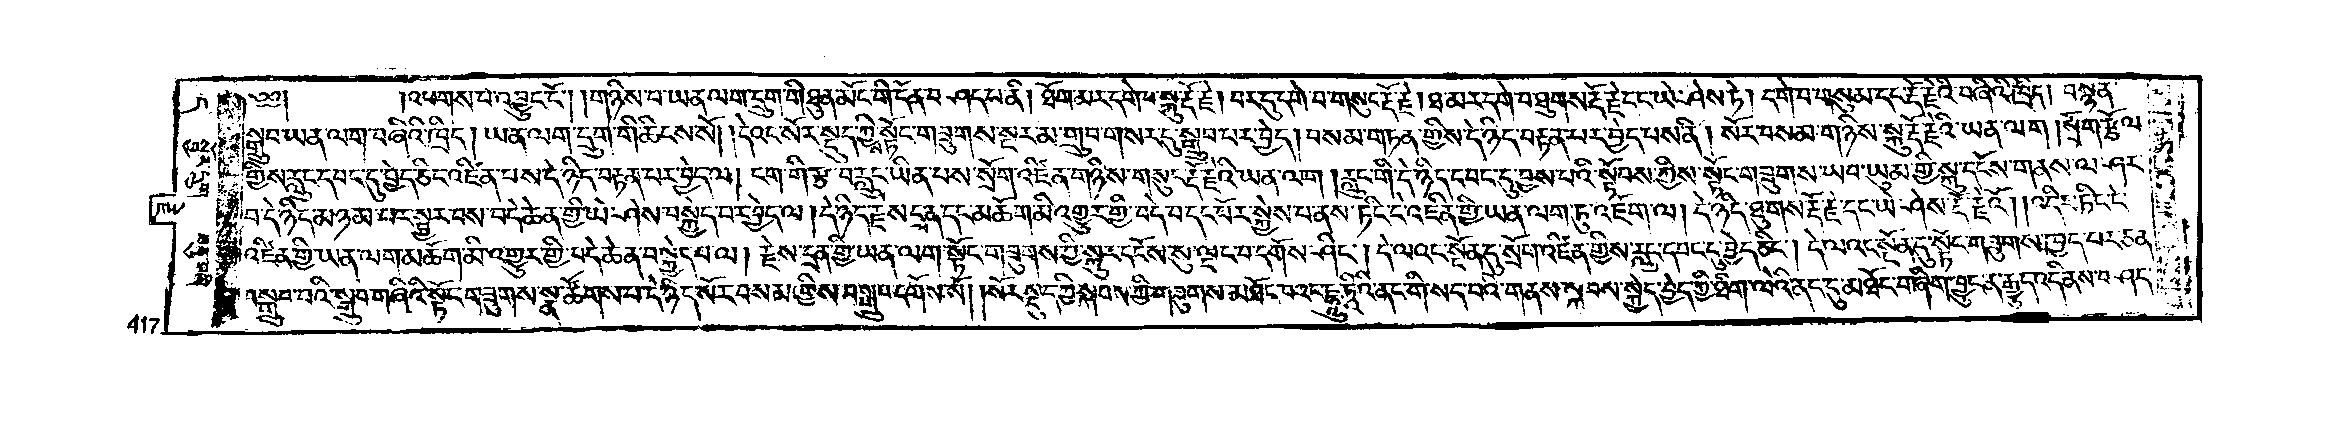༄༅། །འཕགས་པ་འབྱུང་ངོ། །གཉིས་པ་ཡན་ལག་དྲུག་གི་ཐུན་མོང་གི་དོན་བཤད་པ་ནི། ཐོག་མར་དགེ་བ་སྐུ་རྡོ་རྗེ། བར་དུ་དགེ་བ་གསུང་རྡོ་རྗེ། ཐ་མར་དགེ་བ་ཐུགས་རྡོ་རྗེ་དང་ཡེ་ཤེས་ཏེ། དགེ་བ་གསུམ་དང་རྡོ་རྗེའི་བཞིའི་ཁྲིད། བསྙན་སྒྲུབ་ཡན་ལག་བཞིའི་ཁྲིད། ཡན་ལག་དྲུག་གི་ཆིངས་སོ། །དེའང་སོར་སྡུད་ཀྱིས་སྟོང་གཟུགས་སྔར་མ་གྲུབ་གསར་དུ་སྒྲུབ་པར་བྱེད། བསམ་གཏན་གྱིས་དེ་ཉིད་བརྟན་པར་བྱེད་པས་ནི། སོར་བསམ་གཉིས་སྐུ་རྡོ་རྗེའི་ཡན་ལག །སྲོག་རྩོལ་
གྱིས་རླུང་དབང་དུ་བྱེད་ཅིང་འཛིན་པས་དེ་ཉིད་བརྟན་པར་བྱེད་ལ། ངག་གི་རྩ་བ་རླུང་ཡིན་པས་སྲོག་འཛིན་གཉིས་གསུང་རྡོ་རྗེའི་ཡན་ལག །རླུང་གི་དེ་ཉིད་དབང་དུ་བྱས་པའི་སྟོབས་ཀྱིས་སྟོང་གཟུགས་ཡབ་ཡུམ་གྱི་སྐུ་དངོས་གནས་ལ་ཤར་
བ་དེ་ཉིད་མཉམ་པར་སྦྱར་བས་བདེ་ཆེན་གྱི་ཡེ་ཤེས་བསྐྱེད་པར་བྱེད་ལ། དེ་ཉིད་རྗེས་དྲན་དང་མཆོག་མི་འགྱུར་གྱི་བདེ་བ་དང་པོར་སྐྱེས་པ་ནས་ཏིང་ངེ་འཛིན་གྱི་ཡན་ལག་ཏུ་འཇོག་ལ། དེ་ཉིད་ཐུགས་རྡོ་རྗེ་དང་ཡེ་ཤེས་རྡོ་རྗེའོ། །འདིར་ཏིང་ངེ་
འཛིན་གྱི་ཡན་ལག་མཆོག་མི་འགྱུར་གྱི་བདེ་ཆེན་བསྐྱེད་པ་ལ། རྗེས་དྲན་གྱི་ཡན་ལག་སྟོང་གཟུགས་ཀྱི་སྐུར་དངོས་སུ་ལྡང་བ་དགོས་ཤིང་། དེ་ལའང་སྔོན་དུ་སྲོག་འཛིན་གྱིས་རླུང་དབང་དུ་བྱེད་ཅིང་། དེ་ལའང་སྔོན་དུ་སྟོང་གཟུགས་ཁྱད་པར་ཅན་
བསྒྲུབ་པའི་སྒྲུབ་གཞིའི་སྟོང་གཟུགས་སྣ་ཚོགས་པ་དེ་ཉིད་སོར་བསམ་གྱིས་བསྒྲུབ་དགོས་སོ། །སོར་སྡུད་ཀྱི་སྐབས་ཀྱི་གཟུགས་མཐོང་པའང་དྷཱུ་ཏཱིའི་ནང་གི་སད་པའི་གནས་སྐབས་སྐྱེད་བྱེད་ཀྱི་ཐིག་ལེའི་ནང་དུ་མཐོང་བ་ཞིག་བྱུང་ན་རྒྱུད་འདི་ནས་བཤད་